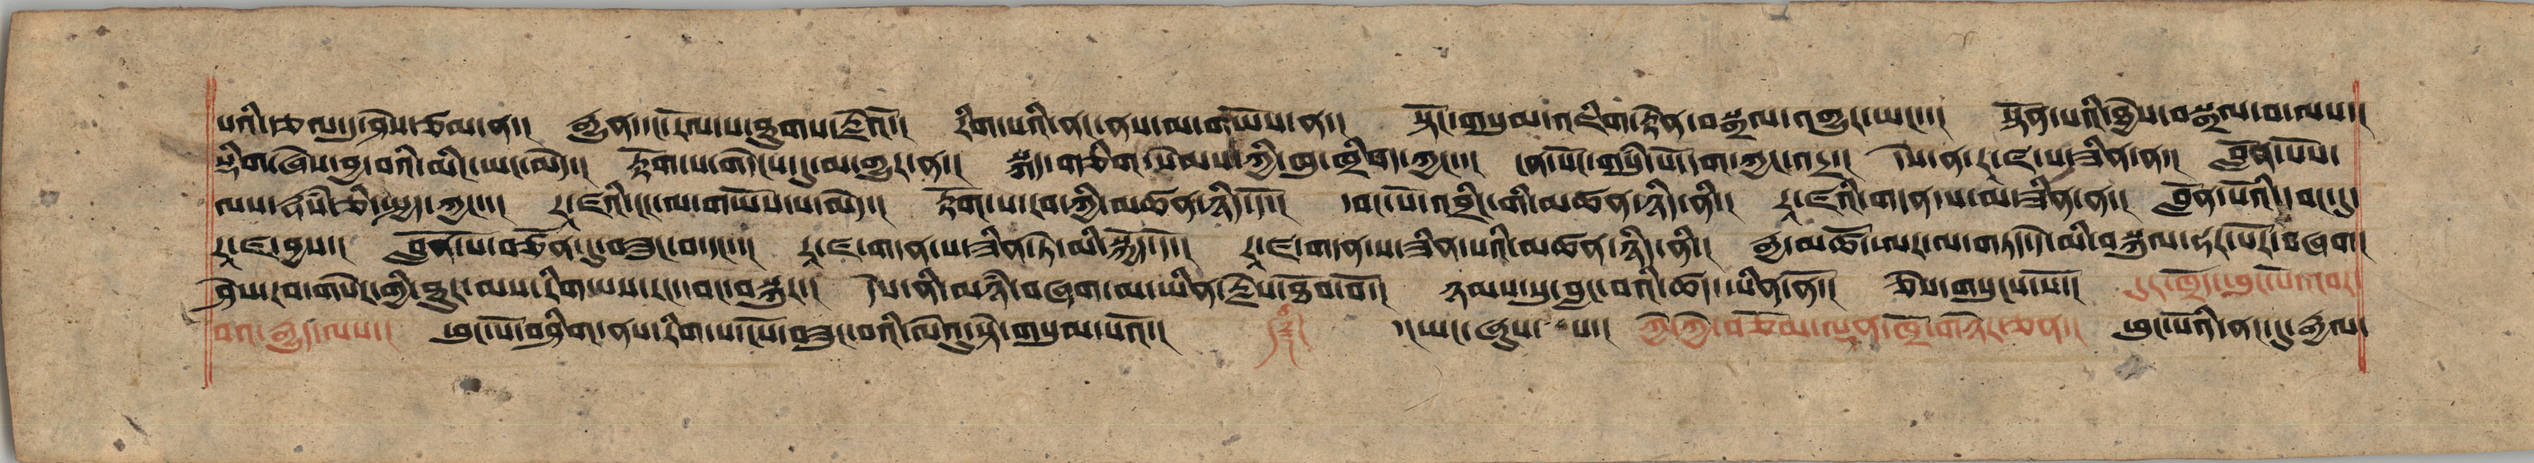པའི་རྩལ་དུ་ཤེས་ཙམ་ན་། རྒྱུན་དང་རོལ་པ་ཐུགས་རྗེའོ་། རིག་པའི་ནང་ནས་མ་གཡོས་ན་། སྟོང་གསུམ་འཇིག་རྟེན་བསྒྲལ་འགྱུར་ཡང་་། སྟོན་པའི་ཐྱེས་བསྒྲལ་བ་ལས་།
སྡིག་ཞེས་བྱ་བའི་མིང་ཡང་མེད་། རྟོག་པ་གདེངས་དུ་མ་གྱུར་ན་། སྐད་གཅིག་སེམས་ཀྱི་ཁུ་ཁྲིག་ཀྱང་་། ངན་སོང་གསུཾ་པོ་དག་ཀྱང་འདྲ་། དེས་ན་རཱ་ཛཱ་ས་ཟིན་ན་། བློན་པོས་
ལས་རྣཾས་ཅི་སྤྱད་ཀྱང་་། རཱ་ཛའི་ངང་ལ་གཡོས་པ་མེད་། རྟོག་པ་རབ་ཀྱི་མཚན་ཉིད་དོ་། དབང་པོ་འབྲིང་གི་མཚན་ཉིད་ནི་། རཱ་ཛའི་གདན་ས་མ་ཟིན་ན་། བློན་པོའི་དབང་དུ་
རཱ་ཛ་བྱས་། བློན་པོ་བཙོན་དུ་བཟུང་བ་དང་་། རཱ་ཛ་གདན་ས་ཟིན་ཏེ་མི་སྐྱོད་དོ་། རཱ་ཛ་གདན་ས་ཟིན་པའི་མཚན་ཉིད་ནི་། རྒྱ་མཚོ་ཨར་ལ་གཏད་དེ་མི་བསྐུལ་ཧར་པོར་བཞག།
ཤེས་རབ་གསེར་གྱི་ཐུཌ་ལས་རིག་པས་རང་དབང་བསྐུར་། དེས་ནི་མཉཾ་བཞག་མ་ཡིན་རྗེས་ཐོབ་བོ་། ཉམས་སུ་བླང་བའི་ཚད་ཡིན་ནོ་། ཅེས་གསུངས་སོ་། དུར་ཁྲོད་ཕུང་པོ་འབར་
བའ་རྒྱུད་ལས་། ཕུང་པོ་བཤིག་ནས་རིག་པ་ངོས་བཟུང་བའི་ལེའུ་སྟེ་གསུམ་པའོ་། ༼༈ཾ༽ ་།ཡང་ཞུས་ པ་། ཀྱེ་ཀྱེ་བཅོམ་ལྡན་ཁྲོ་གཉེར་ཅན་། ཕུང་པོའི་ནང་དུ་རྒྱལ་